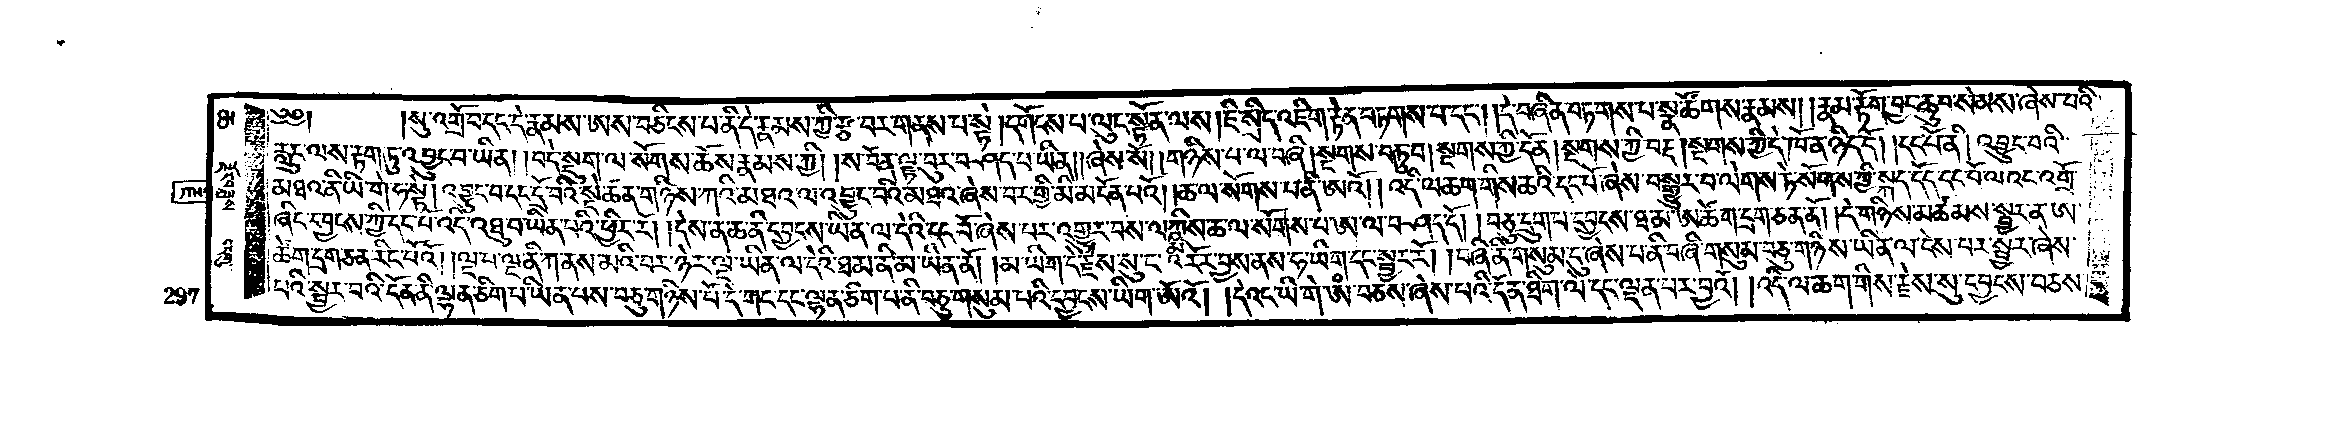༄༅། །སུ་འགྲོ་བ་དང་དེ་རྣམས་ཨས་བཅིངས་པ་ནི་དེ་རྣམས་ཀྱི་རྩ་བར་གནས་པ་སྟེ། དགོངས་པ་ལུང་སྟོན་ལས། ཇི་སྲིད་འཇིག་རྟེན་བཏགས་པ་དང་། །དེ་བཞིན་བཏགས་པ་སྣ་ཚོགས་རྣམས། །རྣམ་རྟོག་བྱང་ཆུབ་སེམས་ཞེས་པའི་
རླུང་ལས་རྟག་ཏུ་འབྱུང་བ་ཡིན། །བདེ་སྡུག་ལ་སོགས་ཆོས་རྣམས་ཀྱི། །ས་བོན་ལྟ་བུར་བཤད་པ་ཡིན། །ཞེས་སོ། །གཉིས་པ་ལ་བཞི། སྔགས་བཏུ་བ། སྔགས་ཀྱི་དོན། སྔགས་ཀྱི་བརྡ། སྔགས་ཀྱི་དེ་ཁོ་ན་ཉིད་དོ། །དང་པོ་ནི། འབྱུང་བའི་
མཐའ་ནི་ཡི་གེ་ཧ་སྟེ། འབྱུང་བ་དང་དྲོ་བའི་སྡེ་ཚན་གཉིས་ཀའི་མཐའ་ལ་འབྱུང་བའི་མཐའ་ཞེས་བར་གྱི་མི་མངོན་པའོ། །ཆ་ལ་སོགས་པ་ནི་O། །འདི་ལ་ཆག་གིས་ཆའི་དང་པོ་ཞེས་བསྒྱུར་བ་ལེགས་ཏེ་སོགས་ཀྱི་སྐད་དོད་དང་པོ་ལའང་འགྲོ་
ཞིང་དབྱངས་ཀྱི་དང་པོ་འདི་འཐུ་བ་ཡིན་པའི་ཕྱིར་རོ། །དེས་ན་ཆ་ནི་དབྱངས་ཡིན་ལ་དེའི་དང་པོ་ཞེས་པར་འགྱུར་བས་ལཀྵྨཱིས་ཆ་ལ་སོགས་པ་ཨ་ལ་བཤད་དོ། །བཅུ་དྲུག་པ་དབྱངས་ཐ་མ་ཨ་ཚེག་དྲག་ཅན་ནོ། །དེ་གཉིས་མཚམས་སྦྱར་ན་ཨ་
ཚེག་དྲག་ཅན་རིང་པོའོ། །ལྔ་པ་ལྔ་ནི་ཀ་ནས་མའི་བར་ཉེར་ལྔ་ཡིན་ལ་དེའི་ཐ་མ་ནི་མ་ཡིན་ནོ། །མ་ཡིག་དེ་རྗེས་སུ་ང་རོར་བྱས་ནས་ཧ་ཡིག་དང་སྦྱར་རོ། །བཞི་ནི་གསུམ་དུ་ཞེས་པ་ནི་བཞི་གསུམ་བཅུ་གཉིས་ཡིན་ལ་ངེས་པར་སྦྱར་ཞེས་
པའི་སྦྱར་བའི་དོན་ནི་ལྷན་ཅིག་པ་ཡིན་པས་བཅུ་གཉིས་པོ་དེ་གང་དང་ལྷན་ཅིག་པ་ནི་བཅུ་གསུམ་པའི་དབྱངས་ཡིག་ཨོའོ། །དེའང་ཡི་གེ་ཨཾ་བཅས་ཞེས་པའི་དོན་ཐིག་ལེ་དང་ལྡན་པར་བྱའོ། །འདི་ལ་ཆག་གིས་རྗེས་སུ་དབྱངས་བཅས་